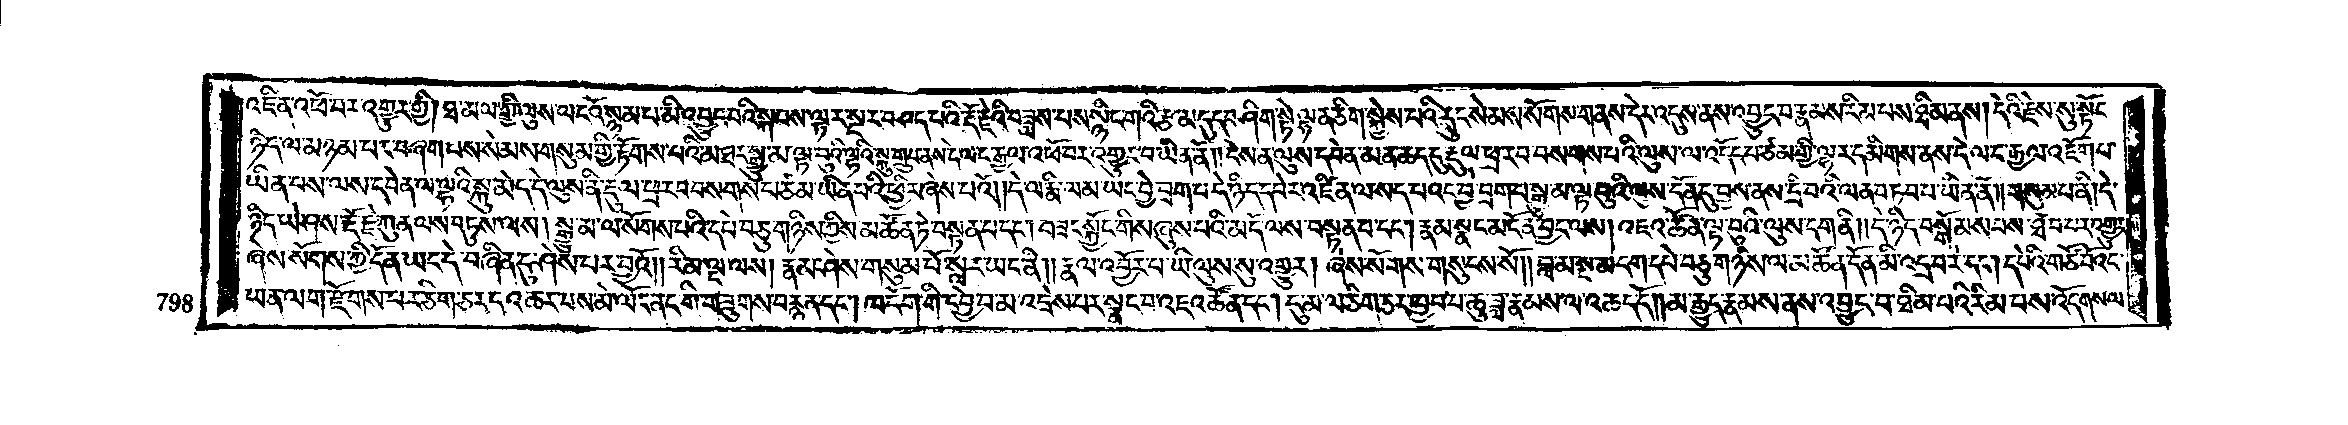འཛིན་འཕོ་བར་འགྱུར་གྱི། ཐ་མལ་གྱི་ལུས་ལ་ངའོ་སྙམ་པ་མི་འབྱུང་བའི་སྐབས་ལྟར་སྔར་བཤད་པའི་རྡོ་རྗེའི་བཟླས་པས་སྙིང་གའི་རྩ་མདུད་བཤིག་སྟེ་ལྷན་ཅིག་སྐྱེས་པའི་རླུང་སེམས་སོགས་གནས་དེར་འདུས་ནས་འབྱུང་བ་རྣམས་རིམ་པས་ཐིམ་ནས། དེའི་རྗེས་སུ་སྟོང་
ཉིད་ལ་མཉམ་པར་བཞག་པས་སེམས་གསུམ་གྱི་རྟོགས་པའི་མཐར་སྒྱུ་མ་ལྟ་བུའི་ལྷའི་སྐུ་གྲུབ་ནས་དེ་ལ་ང་རྒྱལ་འཕོ་བར་འགྱུར་བ་ཡིན་ནོ། །དེས་ན་ལུས་དབེན་མན་ཆད་དུ་རྡུལ་ཕྲ་རབ་བསགས་པའི་ལུས་ལ་འདོད་པ་ཙམ་གྱི་ལྷར་དམིགས་ནས་དེ་ལ་ང་རྒྱལ་འཇོག་པ་
ཡིན་པས་ལུས་དབེན་ལ་ལྷའི་སྐུ་མེད་དེ་ལུས་ནི་རྡུལ་ཕྲ་རབ་བསགས་པ་ཙམ་ཡིན་པའི་ཕྱིར་ཞེས་པའོ། །དེ་ལ་རྨི་ལམ་ཡང་བྱེ་བྲག་པ་དེ་ཉིད་དཔེར་འཛིན་ལ་སད་པའང་བྱེ་བྲག་པ་སྒྱུ་མ་ལྟ་བུའི་ལུས་དོན་དུ་བྱས་ནས་དྲི་བའི་ལན་བཏབ་པ་ཡིན་ནོ། །གསུམ་པ་ནི། དེ་
ཉིད་ཡེ་ཤེས་རྡོ་རྗེ་ཀུན་ལས་བཏུས་ལས། སྒྱུ་མ་ལ་སོགས་པའི་དཔེ་བཅུ་གཉིས་ཀྱིས་མཚོན་ཏེ་བསྟན་པ་དང་། བཟང་སྐྱོང་གིས་ཞུས་པའི་མདོ་ལས་བསྟན་པ་དང་། རྣམ་སྣང་མངོན་བྱང་ལས། འཇའ་ཚོན་ལྟ་བུའི་ལུས་དག་ནི། །དེ་ཉིད་བསྒོམས་པས་ཐོབ་པར་འགྱུར། །
ཞེས་སོགས་ཀྱི་དོན་ཡང་དེ་བཞིན་དུ་ཤེས་པར་བྱའོ། །རིམ་ལྔ་ལས། རྣམ་ཤེས་གསུམ་པོ་སླར་ཡང་ནི། །རྣལ་འབྱོར་པ་ཡི་ལུས་སུ་འགྱུར། ཞེས་སོགས་གསུངས་སོ། །བླ་མ་སྔ་མ་དག་དཔེ་བཅུ་གཉིས་ལ་མཚོན་དོན་མི་འདྲ་བ་རེ་དང་། དཔེའི་གཙོ་བོའང་
ཡན་ལག་རྫོགས་པར་ཅིག་ཅར་དུ་འཆར་བས་མེ་ལོང་ནང་གི་གཟུགས་བརྙན་དང་། ཁ་དོག་གི་དབྱེ་བ་མ་འདྲེས་པར་སྣང་བ་འཇའ་ཚོན་དང་། དུ་མ་ལ་ཅིག་ཅར་ཁྱབ་པ་ཆུ་ཟླ་རྣམས་ལ་འཆད་དོ། །མ་རྒྱུད་རྣམས་ནས་འབྱུང་བ་ཐིམ་པའི་རིམ་པས་འོད་གསལ་